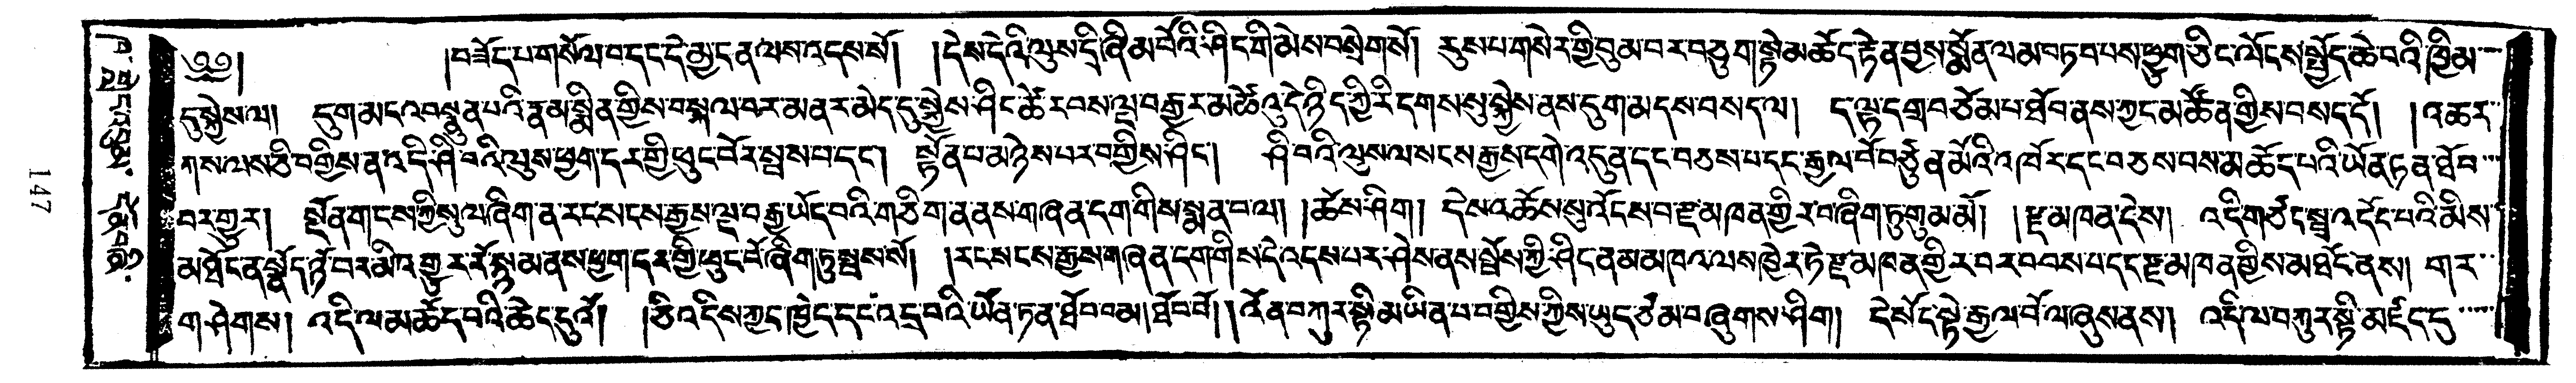༄༅། །བཟོད་པ་གསོལ་བ་དང་དེ་མྱ་ངན་ལས་འདས་སོ། །དེས་དེའི་ལུས་དྲི་ཞིམ་བོའི་ཤིང་གི་མེས་བསྲེག་སོ། རུས་པ་གསེར་གྱི་བུམ་བར་བཅུག་སྟེ་མཆོད་རྟེན་བྱས་སྨོན་ལམ་བཏབ་པས་ཕྱུག་ཅིང་ལོངས་སྤྱོད་ཆེ་བའི་ཁྱིམ་
དུ་སྐྱེས་ལ། དུག་མངའ་བསྣུན་པའི་རྣམ་སྨིན་གྱིས་བསྐལ་བར་མནར་མེད་དུ་སྐྱེས་ཤིང་ཚེ་རབས་ལྔ་བརྒྱར་མཚེའུ་དེ་ཉིད་ཀྱི་རི་དགས་སུ་སྐྱེས་ནས་དུག་མདས་བསད་ལ། ད་ལྟ་དགྲ་བཅོམ་པ་ཐོབ་ནས་ཀྱང་མཚོན་གྱིས་བསད་དོ། །འཆར་
ཀས་ལས་ཅི་བགྱིས་ན་འདི་ཤི་བའི་ལུས་ཕྱག་དར་གྱི་ཕུང་བོར་སྦས་པ་དང་། སྟོན་པ་མཉེས་པར་བགྱིས་ཤིང་། ཤི་བའི་ལུས་ལ་སངས་རྒྱས་དགེ་འདུན་དང་བཅས་པ་དང་རྒྱལ་པོ་བཙུན་མོའི་འཁོར་དང་བཅས་བས་མཆོད་པའི་ཡོན་ཏན་ཐོབ་
བར་གྱུར། སྔོན་གངས་ཀྱི་སུལ་ཞིག་ན་རང་སངས་རྒྱས་ལྔ་བརྒྱ་ཡོད་བའི་གཅིག་ན་ནས་གཞན་དག་གིས་སྨན་བ་ལ། །ཆོས་ཤིག། དེས་འཆོས་སུ་འོངས་བ་རྫ་མཁན་གྱི་རབ་ཞིག་ཏུ་གུམ་མོ། །རྫ་མཁན་དེས། འདི་གཙང་སྦྲ་འདོང་པའི་མིས་
མཐོང་ན་སྣོད་ཉོ་བར་མི་འགྱུར་རོ་སྙམ་ནས་ཕྱག་དར་གྱི་ཕུང་བོ་ཞིག་ཏུ་སྦས་སོ། །རང་སངས་རྒྱས་གཞན་དག་གིས་དེ་འདས་པར་ཤེས་ནས་སྦོས་ཀྱི་ཤིང་ནམ་མཁའ་ལས་ཁྱེར་ཏེ་རྫ་མཁན་གྱིར་བར་བབས་པ་དང་རྫ་མཁན་གྱིས་མཐོང་ནས། གར་
གཤེགས། འདི་ལ་མཆོད་བའི་ཆེད་དུའོ། །ཅི་འདིས་ཀྱང་ཁྱེད་དང་འདྲ་བའི་ཡོན་ཏན་ཐོབ་བམ། ཐོབ་བོ། །འོན་བཀུར་སྟི་མ་ཡིན་པ་བགྱིས་ཀྱིས་ཡུད་ཙམ་བཞུགས་ཤིག། དེ་སོང་སྟེ་རྒྱལ་བོ་ལ་ཞུས་ནས། འདི་ལ་བཀུར་སྟི་མཛད་དུ་